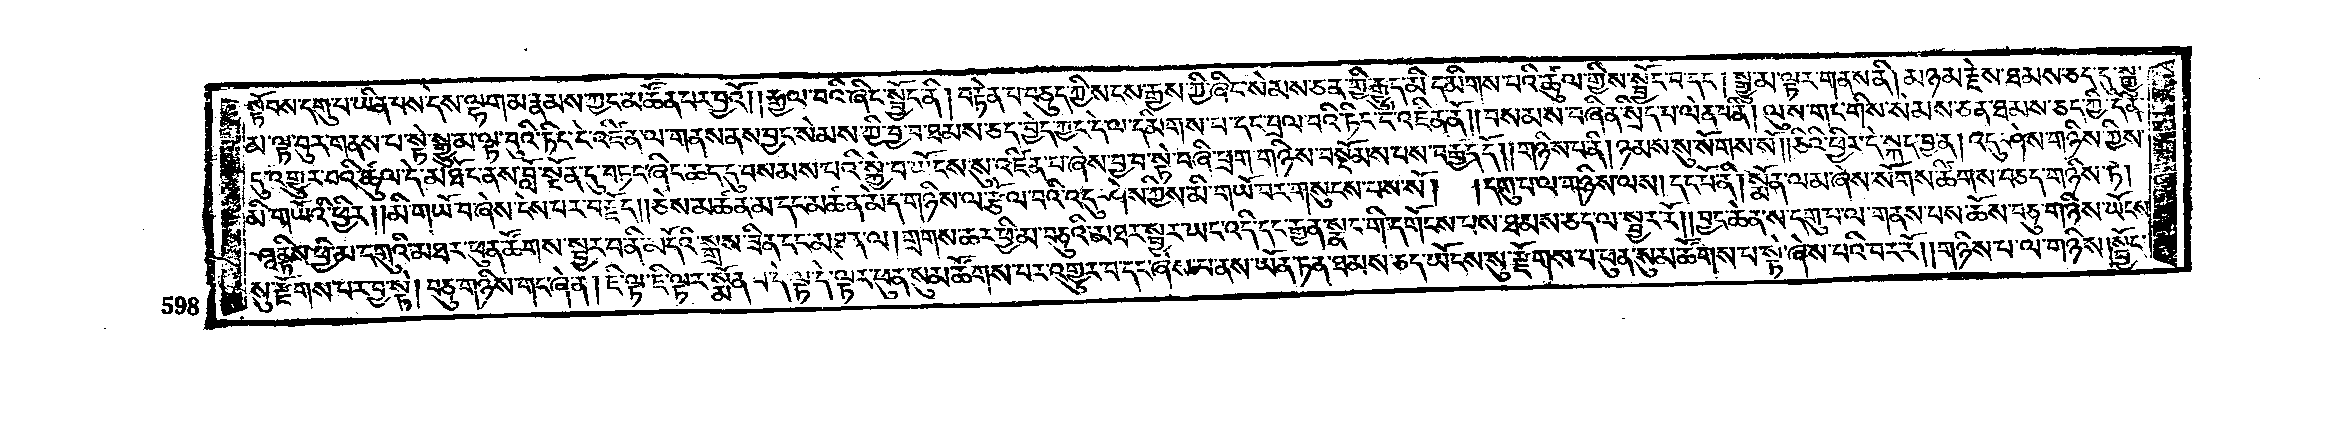སྟོབས་དགུ་པ་ཡིན་པས་དེས་ལྷག་མ་རྣམས་ཀྱང་མཚོན་པར་བྱའོ། །རྒྱལ་བའི་ཞིང་སྦྱོང་ནི། བརྟེན་པ་བཅུད་ཀྱི་སངས་རྒྱས་ཀྱི་ཞིང་སེམས་ཅན་གྱི་རྒྱུད་མི་དམིགས་པའི་ཚུལ་གྱིས་སྦྱོང་བ་དང་། སྒྱུ་མ་ལྟར་གནས་ནི། མཉམ་རྗེས་ཐམས་ཅད་དུ་སྒྱུ་
མ་ལྟ་བུར་གནས་པ་སྟེ་སྒྱུ་མ་ལྟ་བུའི་ཏིང་ངེ་འཛིན་ལ་གནས་ནས་བྱང་སེམས་ཀྱི་བྱ་བ་ཐམས་ཅད་བྱེད་ཀྱང་དེ་ལ་དམིགས་པ་དང་བྲལ་བའི་ཏིང་ངེ་འཛིན་ནོ། །བསམས་བཞིན་སྲིད་པ་ལེན་པ་ནི། ལུས་གང་གིས་སེམས་ཅན་ཐམས་ཅད་ཀྱི་དོན་
དུ་འགྱུར་བའི་ཚུལ་དེ་མཐོང་ནས་བློ་སྔོན་དུ་བཏང་ཞིང་ཆད་དུ་བསམས་པའི་སྐྱེ་བ་ཡོངས་སུ་འཛིན་པ་ཞེས་བྱ་བ་སྟེ་བཞི་ཕྲག་གཉིས་བསྡོམས་པས་བརྒྱད་དོ། །གཉིས་པ་ནི། ཉམས་སུ་སོགས་སོ། །ཅིའི་ཕྱིར་དེ་སྐད་བྱ་ན། འདུ་ཤེས་གཉིས་ཀྱིས་
མི་གཡོའི་ཕྱིར། །མི་གཡོ་བ་ཞེས་ངེས་པར་བརྗོད། །ཅེས་མཚན་མ་དང་མཚན་མེད་གཉིས་ལ་རྩོལ་བའི་འདུ་ཤེས་ཀྱིས་མི་གཡོ་བར་གསུངས་པས་སོ། །དགུ་པ་ལ་གཉིས་ལས། དང་པོ་ནི། སྨོན་ལམ་ཞེས་སོགས་ཚིགས་བཅད་གཉིས་ཏེ།
ཤཱནྟིས་ཕྱི་མ་དགུའི་མཐར་ཕུན་ཚོགས་སྦྱར་བ་ནི་མདོའི་སྒྲས་ཟིན་དང་མཐུན་ལ། གྲགས་ཆར་ཕྱི་མ་བཅུའི་མཐར་སྦྱར་ཡང་འདི་དང་རྒྱན་སྣང་གི་དགོངས་པས་ཐམས་ཅད་ལ་སྦྱར་རོ། །བྱང་ཆེན་ས་དགུ་པ་ལ་གནས་པས་ཆོས་བཅུ་གཉིས་ཡོངས་
སུ་རྫོགས་པར་བྱ་སྟེ། བཅུ་གཉིས་གང་ཞེ་ན། ཇི་ལྟ་ཇི་ལྟར་སྨོན་པ་དེ་ལྟ་དེ་ལྟར་ཕུན་སུམ་ཚོགས་པར་འགྱུར་བ་དང་ཞེས་པ་ནས་ཡོན་ཏན་ཐམས་ཅད་ཡོངས་སུ་རྫོགས་པ་ཕུན་སུམ་ཚོགས་པ་སྟེ་ཞེས་པའི་བར་རོ། །གཉིས་པ་ལ་གཉིས། སྤྱོད་